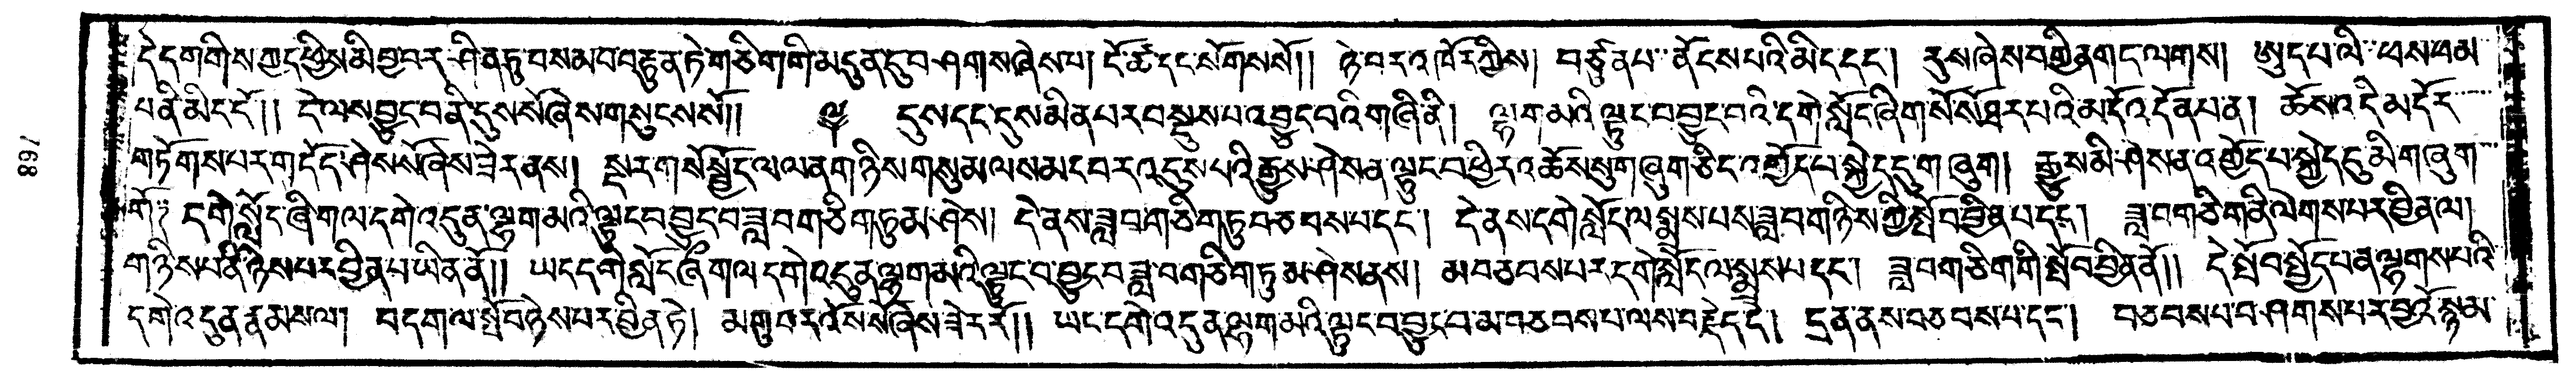དེ་དག་གིས་ཀྱང་ཕྱིས་མི་བྱ་བར་ཤིན་ཏུ་བསམ་བ་བརྟུན་ཏེ་གཅིག་གི་མདུན་དུ་བཤགས་ཞེས་པ། ངོ་ཚ་དང་སོགས་སོ།། ཉེ་བར་འཁོར་ཀྱིས། བཙུན་པ་ནོངས་པའི་མིང་དང་། རུས་ཞེས་བགྱིན་གང་ལགས། ཨུད་པ་ལི་ཕས་ཕམ་
པ་ནི་མིང་ངོ།། དེ་ལས་བྱུང་བ་ནི་དུས་སོ་ཞེས་གསུངས་སོ།། ༈ དུས་དང་དུས་མིན་པར་བསྡུས་པ་འབྱུང་བའི་གཞི་ནི། ལྷག་མའི་ལྟུང་བ་བྱུང་བའི་དགེ་སློང་ཞིག་སོ་སོ་ཐར་པའི་མདོ་འདོན་པ་ན། ཆོས་འདི་མདོར་
གཏོགས་པར་གདོད་ཤེས་སོ་ཞེས་ཟེར་ནས། སྔར་གསོ་སྦྱོང་ལ་ལན་གཉིས་གསུམ་ལས་མང་བར་འདུས་པའི་རྒྱུས་ཤེས་ན་ལྟུང་བ་ཕྱིར་འཆོས་སུ་གཞུག་ཅིང་འགྱོད་པ་སྐྱེད་དུ་གཞུག། རྒྱུས་མི་ཤེས་ན་འགྱོད་པ་སྐྱེད་དུ་མི་གཞུག་
གོ༑ དགེ་སློང་ཞིག་ལ་དགེ་འདུན་ལྷག་མའི་ལྟུང་བ་བྱུང་བ་ཟླ་བ་གཅིག་ཏུ་མ་ཤེས། དེ་ནས་ཟླ་བ་གཅིག་ཏུ་བཅབས་པ་དང་། དེ་ནས་དགེ་སློང་ལ་སྨྲས་པས་ཟླ་བ་གཉིས་ཀྱི་སྤོ་བ་བྱིན་པ་དང་། ཟླ་བ་གཅིག་ནི་ལེགས་པར་བྱིན་ལ།
གཉིས་པ་ནི་ཉེས་པར་བྱིན་པ་ཡིན་ནོ།། ཡང་དགེ་སློང་ཞྀ་གལ་དགེ་འདུན་ལྷག་མའི་ལྟུང་བ་བྱུང་བཟླ་བ་གཅིག་ཏུ་མ་ཤེས་ནས། མ་བཅབས་པར་དགེ་སློང་ལ་སྨྲས་པ་དང་། ཟླ་བ་གཅིག་གི་སྤོ་བ་བྱིན་ནོ།། དེ་སྤོ་བ་སྤྱོད་པ་ན་ལྷགས་པའི་
དགེ་འདུན་རྣམས་ལ། བདག་ལ་སྤོ་བ་ཉེས་པར་བྱིན་ཏེ། མགུ་བར་འོས་སོ་ཞེས་ཟེར་རོ།། ཡང་དགེ་འདུན་ལྷག་མའི་ལྟུང་བ་བྱུང་བ་མ་བཅབས་པ་ལས་བརྗེད་དེ། དྲན་ནས་བཅབས་པ་དང་། བཅབས་པ་བཤགས་པར་བྱའོ་སྙམ་